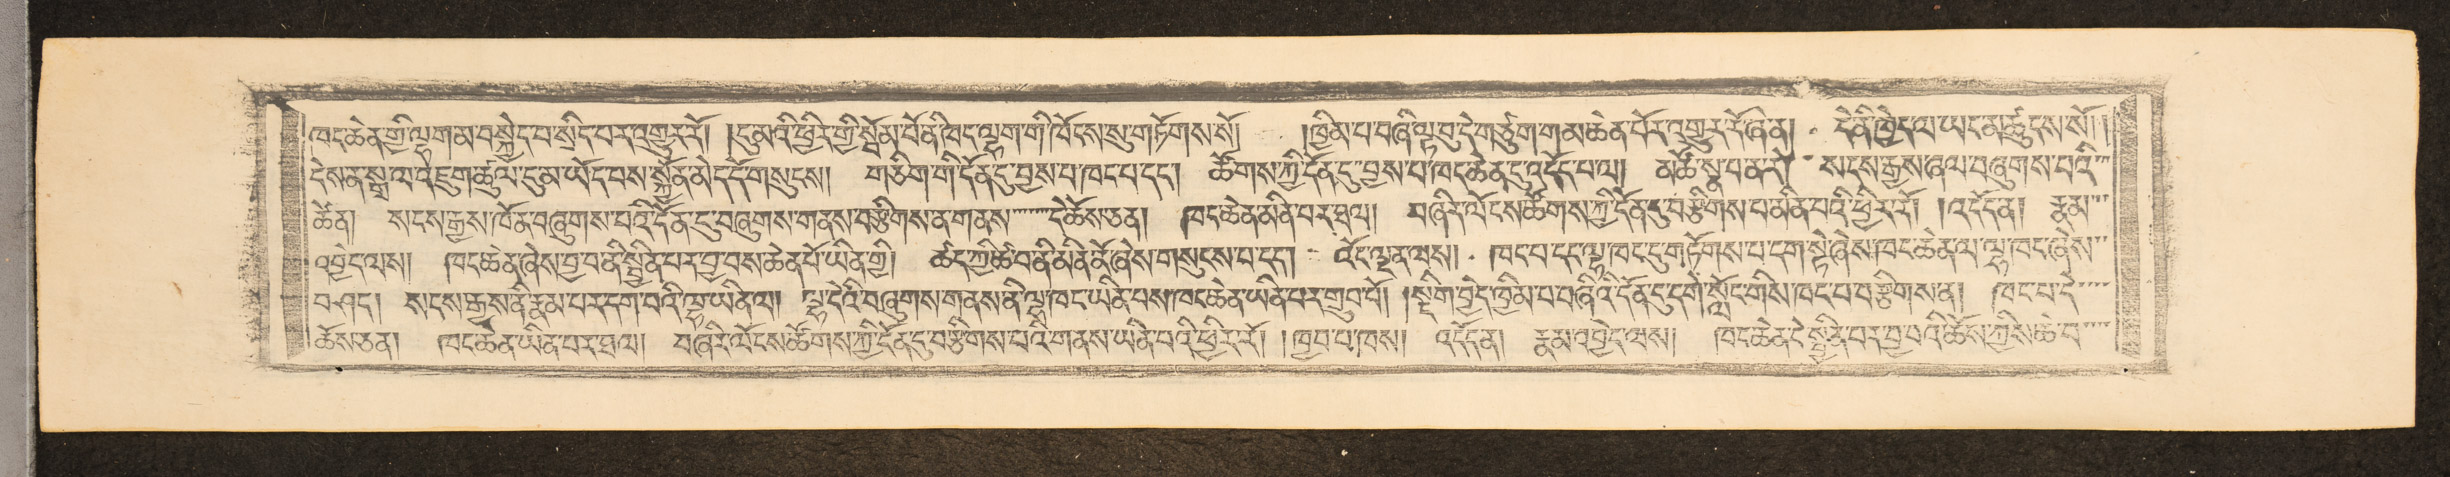ཁང་ཆེན་གྱི་ལྷག་མ་བསྐྱེད་པ་སྲིད་པར་འགྱུར་རོ། །དུ་མའི་ཕྱིར་གྱི་སྦོམ་པོ་ནི་ཁང་ལྷག་གི་ཁོངས་སུ་གཏོགས་སོ། །ཁྱིམ་པ་བཞི་ལྟ་བུ་དེ་གཙུག་གམ་ཆེན་པོར་འགྱུར་རོ་ཞེ་ན། དེ་ནི་ཁྱེད་ལ་ཡང་མཚུངས་སོ། །
དེས་ན་སྒྲ་ལ་འཇུག་ཚུལ་དུ་མ་ཡོད་པས་སྐྱོན་མེད་དོ་གསུངས། གཅིག་གི་དོན་དུ་བྱས་པ་ཁང་པ་དང་། ཚོགས་ཀྱི་དོན་དུ་བྱས་པ་ཁང་ཆེན་དུ་འདོད་པ་ལ། མཚོ་སྣ་པ་ན་རེ། སངས་རྒྱས་ཞལ་བཞུགས་པའི་
ཚེ་ན། སངས་རྒྱས་ཁོ་ན་བཞུགས་པའི་དོན་དུ་བཞུགས་གནས་བརྩིགས་ན་གནས་དེ་ཆོས་ཅན། ཁང་ཆེན་མིན་པར་ཐལ། བཞིར་ལོངས་ཆོགས་ཀྱི་དོན་དུ་བརྩིགས་པ་མིན་པའི་ཕྱིར་རོ། །འདོད་ན། རྣམ་
འབྱེད་ལས། ཁང་ཆེན་ཞེས་བྱ་བ་ནི་སྦྱིན་པར་བྱ་བས་ཆེན་པོ་ཡིན་གྱི། ཚད་ཀྱི་ཆེ་བ་ནི་མིན་ནོ་ཞེས་གསུངས་པ་དང་། འོད་ལྡན་ལས། ཁང་པ་དང་ལྷ་ཁང་དུ་གཏོགས་པ་དག་སྟེ་ཞེས་ཁང་ཆེན་ལ་ལྷ་ཁང་ཞེས་
བཤད། སངས་རྒྱས་ནི་རྣམ་པར་དག་པའི་ལྷ་ཡིན་ལ། ལྷ་དེའི་བཞུགས་གནས་ནི་ལྷ་ཁང་ཡིན་པས་ཁང་ཆེན་ཡིན་པར་གྲུབ་བོ། །སྡིག་བྱེད་ཁྱིམ་པ་བཞིའི་དོན་དུ་དགེ་སློང་གིས་ཁང་པ་བརྩིགས་ན། ཁང་པ་དེ་
ཆོས་ཅན། ཁང་ཆེན་ཡིན་པར་ཐལ། བཞིར་ལོངས་ཚོགས་ཀྱི་དོན་དུ་བརྩིགས་པའི་གནས་ཡིན་པའི་ཕྱིར་རོ། །ཁྱབ་པ་ཁས། འདོད་ན། རྣམ་འབྱེད་ལས། ཁང་ཆེན་དེ་སྦྱིན་པར་བྱ་བའི་ཆོས་ཀྱིས་ཆེ་བ་